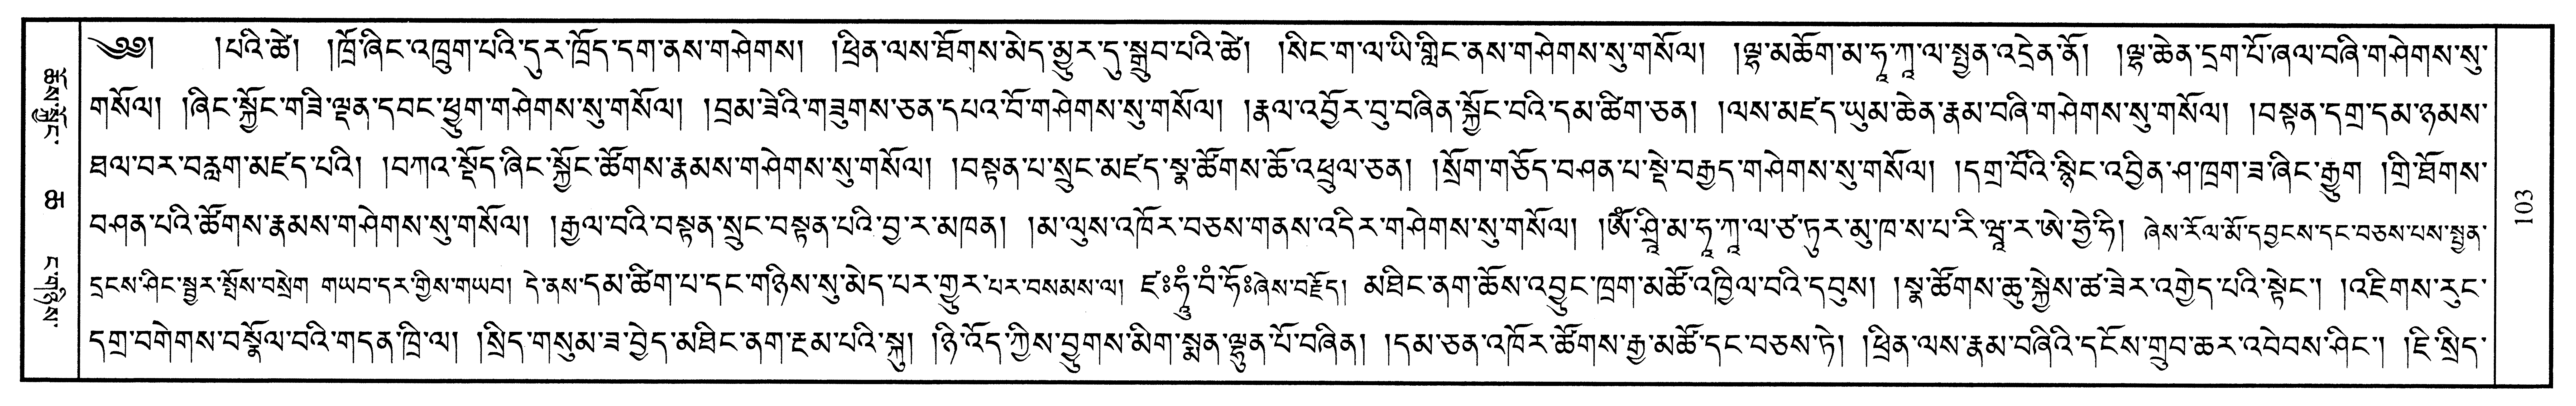༄༅། །པའི་ཚེ། །ཁྲོ་ཞིང་འཁྲུག་པའི་དུར་ཁྲོད་དག་ནས་གཤེགས། །ཕྲིན་ལས་ཐོགས་མེད་མྱུར་དུ་སྒྲུབ་པའི་ཚེ། །སིང་ག་ལ་ཡི་གླིང་ནས་གཤེགས་སུ་གསོལ། །ལྷ་མཆོག་མ་ཧཱ་ཀཱ་ལ་སྤྱན་འདྲེན་ནོ། །ལྷ་ཆེན་དྲག་པོ་ཞལ་བཞི་གཤེགས་སུ་
གསོལ། །ཞིང་སྐྱོང་གཟི་ལྡན་དབང་ཕྱུག་གཤེགས་སུ་གསོལ། །བྲམ་ཟེའི་གཟུགས་ཅན་དཔའ་བོ་གཤེགས་སུ་གསོལ། །རྣལ་འབྱོར་བུ་བཞིན་སྐྱོང་བའི་དམ་ཚིག་ཅན། །ལས་མཛད་ཡུམ་ཆེན་རྣམ་བཞི་གཤེགས་སུ་གསོལ། །བསྟན་དགྲ་དམ་ཉམས་
ཐལ་བར་བརླག་མཛད་པའི། །བཀའ་སྡོད་ཞིང་སྐྱོང་ཚོགས་རྣམས་གཤེགས་སུ་གསོལ། །བསྟན་པ་སྲུང་མཛད་སྣ་ཚོགས་ཆོ་འཕྲུལ་ཅན། །སྲོག་གཅོད་བཤན་པ་སྡེ་བརྒྱད་གཤེགས་སུ་གསོལ། །དགྲ་བོའི་སྙིང་འབྱིན་ཤ་ཁྲག་ཟ་ཞིང་རྒྱུག །གྲི་ཐོགས་
བཤན་པའི་ཚོགས་རྣམས་གཤེགས་སུ་གསོལ། །རྒྱལ་བའི་བསྟན་སྲུང་བསྟན་པའི་བྱ་ར་མཁན། །མ་ལུས་འཁོར་བཅས་གནས་འདིར་གཤེགས་སུ་གསོལ། །ཨོཾ་ཤྲཱི་མ་ཧཱ་ཀཱ་ལ་ཙ་ཏུར་མུ་ཁ་ས་པ་རི་ཝཱ་ར་ཨེ་ཧྱེ་ཧི། ཞེས་རོལ་མོ་དབྱངས་དང་བཅས་པས་སྤྱན་
དྲངས་ཤིང་སྦྱར་སྤོས་བསྲེག་གཡབ་དར་གྱིས་གཡབ། དེ་ནས་དམ་ཚིག་པ་དང་གཉིས་སུ་མེད་པར་གྱུར་པར་བསམས་ལ། ཛཿ ཧཱུཾ་བཾ་ཧོཿ ཞེས་བརྗོད། མཐིང་ནག་ཆོས་འབྱུང་ཁྲག་མཚོ་འཁྱིལ་བའི་དབུས། །སྣ་ཚོགས་ཆུ་སྐྱེས་ཚ་ཟེར་འགྱེད་པའི་སྟེང་། །འཇིགས་རུང་
དགྲ་བགེགས་བསྣོལ་བའི་གདན་ཁྲི་ལ། །སྲིད་གསུམ་ཟ་བྱེད་མཐིང་ནག་རྔམ་པའི་སྐུ། །ཉི་འོད་ཀྱིས་བྱུགས་མིག་སྨན་ལྷུན་པོ་བཞིན། །དམ་ཅན་འཁོར་ཚོགས་རྒྱ་མཚོ་དང་བཅས་ཏེ། །ཕྲིན་ལས་རྣམ་བཞིའི་དངོས་གྲུབ་ཆར་འབེབས་ཤིང་། །ཇི་སྲིད་